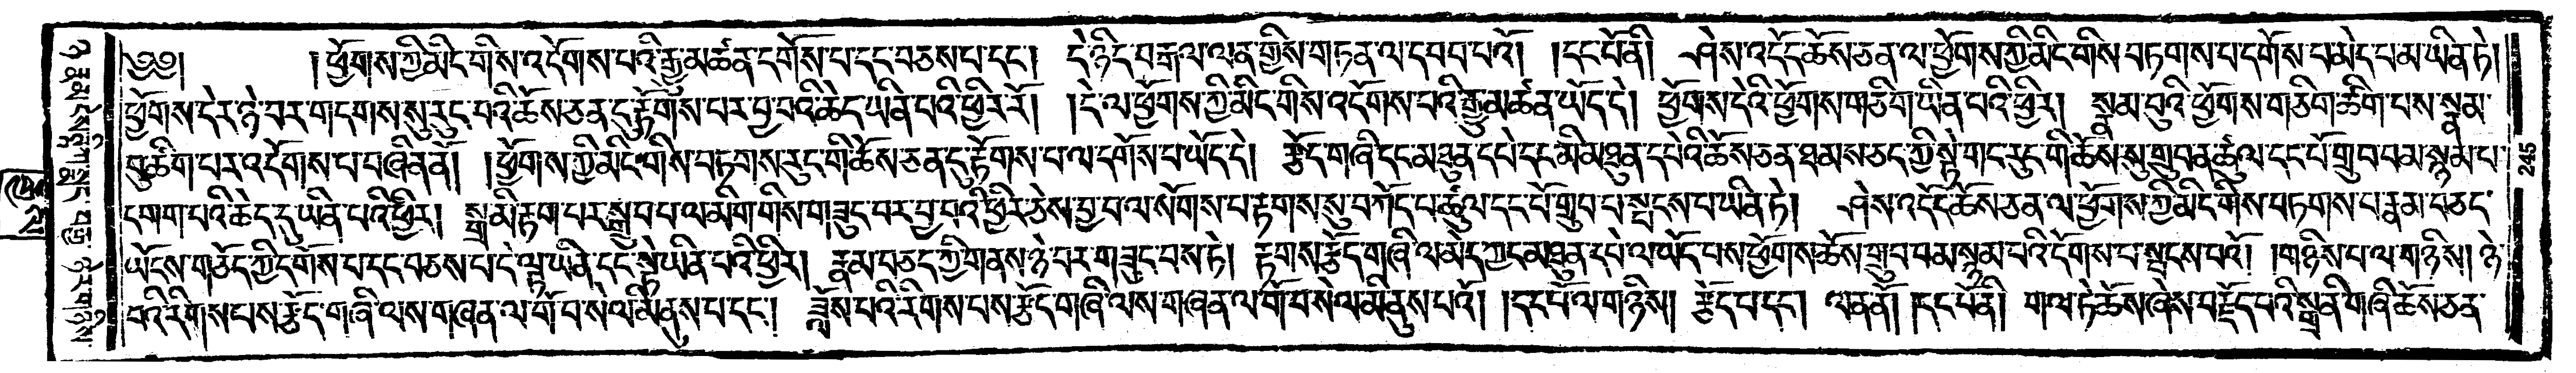༄༅། །ཕྱོགས་ཀྱི་མིང་གིས་འདོགས་པའི་རྒྱུ་མཚན་དགོས་པ་དང་བཅས་པ་དང་། དེ་ཉིད་བརྒལ་ལན་གྱིས་གཏན་ལ་དབབ་པའོ། །དང་པོ་ནི། ཤེས་འདོད་ཆོས་ཅན་ལ་ཕྱོགས་ཀྱི་མིང་གིས་བཏགས་པ་དགོས་པ་མེད་པ་མ་ཡིན་ཏེ།
ཕྱོགས་དེར་ཉེ་བར་གདགས་སུ་རུང་བའི་ཆོས་ཅན་དུ་རྟོགས་པར་བྱ་བའི་ཆེད་ཡིན་པའི་ཕྱིར་རོ། །དེ་ལ་ཕྱོགས་ཀྱི་མིང་གིས་འདོགས་པའི་རྒྱུ་མཚན་ཡོད་དེ། ཕྱོགས་དེའི་ཕྱོགས་གཅིག་ཡིན་པའི་ཕྱིར། སྣམ་བུའི་ཕྱོགས་གཅིག་ཚིག་པས་སྣམ་
བུ་ཚིག་པར་འདོགས་པ་བཞིན་ནོ། །ཕྱོགས་ཀྱི་མིང་གིས་བཏགས་རུང་གི་ཆོས་ཅན་དུ་རྟོགས་པ་ལ་དགོས་པ་ཡོད་དེ། རྩོད་གཞི་དང་མཐུན་དཔེ་དང་མི་མཐུན་དཔེའི་ཆོས་ཅན་ཐམས་ཅད་ཀྱི་སྟེ་གང་རུང་གི་ཆོས་སུ་གྲུབ་ན་ཚུལ་དང་པོ་གྲུབ་བམ་སྙམ་པ་
དགག་པའི་ཆེད་དུ་ཡིན་པའི་ཕྱིར། སྒྲ་མི་རྟག་པར་སྒྲུབ་པ་ལ་མིག་གིས་གཟུང་བར་བྱ་བའི་ཕྱིར་ཅེས་བྱ་བ་ལ་སོགས་པ་རྟགས་སུ་བཀོད་པ་ཚུལ་དང་པོ་གྲུབ་པ་སྤངས་པ་ཡིན་ཏེ། ཤེས་འདོད་ཆོས་ཅན་ལ་ཕྱོགས་ཀྱི་མིང་གིས་བཏགས་པ་རྣམ་བཅད་
ཡོངས་གཅོད་ཀྱི་དགོས་པ་དང་བཅས་པ་དེ་ལྟ་ཡིན་དང་སྟེ་ཡིན་པའི་ཕྱིར། རྣམ་བཅད་ཀྱི་གནས་ཉེ་བར་གཟུང་བས་ཏེ། རྟགས་རྩོད་གཞི་ལ་མེད་ཀྱང་མཐུན་དཔེ་ལ་ཡོད་པས་ཕྱོགས་ཆོས་གྲུབ་བམ་སྙམ་པའི་དོགས་པ་སྤངས་བའོ། །གཉིས་པ་ལ་གཉིས། ཉེ་
བའི་རིགས་པས་རྩོད་གཞི་ལས་གཞན་ལ་གོ་བ་སེལ་མི་ནུས་པ་དང་། ཟློས་པའི་རིགས་པས་རྩོད་གཞི་ལས་གཞན་ལ་གོ་བ་སེལ་མི་ནུས་པའོ། །དང་པོ་ལ་གཉིས། རྩོད་པ་དང་། ལན་ནོ། །དང་པོ་ནི། གལ་ཏེ་ཆོས་ཞེས་བརྗོད་པའི་སྒྲ་ནི་གཞི་ཆོས་ཅན་